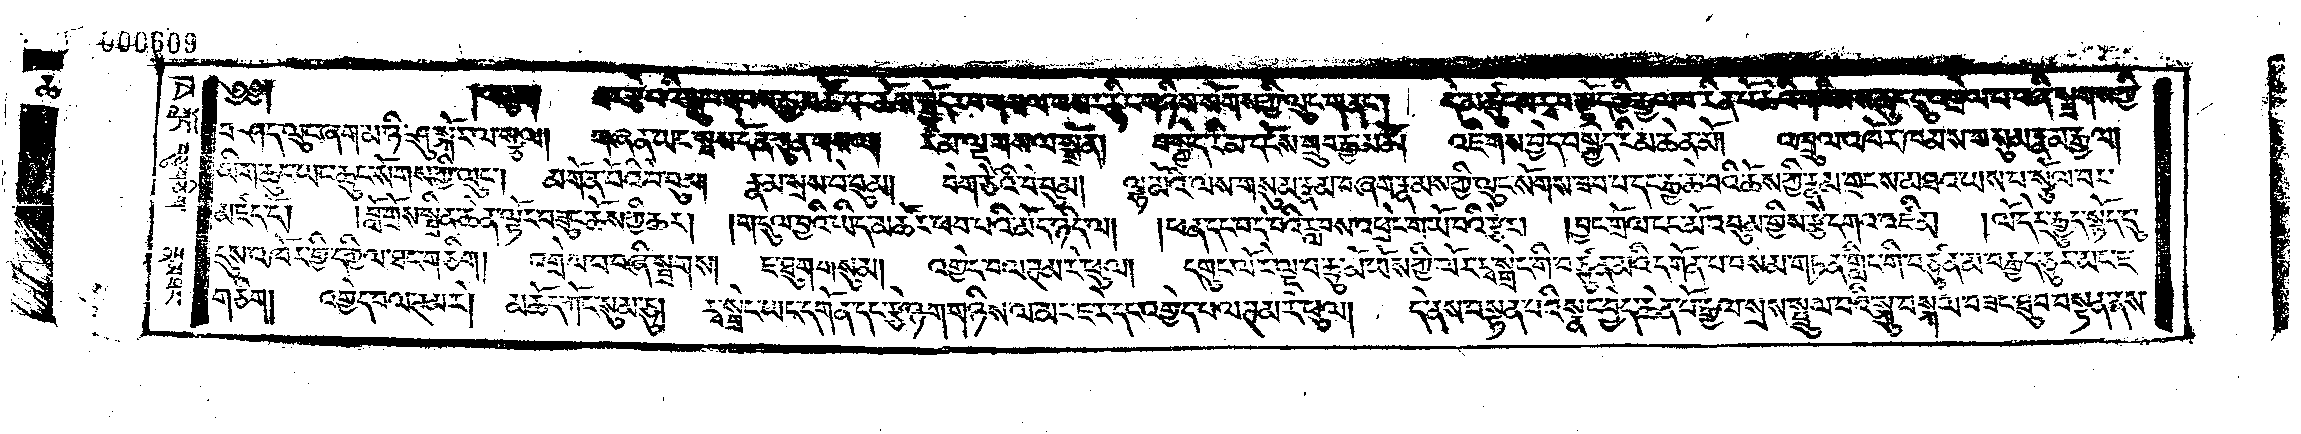༄༅། །འབུམ། ཐར་རྩེ་བའི་སྒྲུབ་ཐབས་རྒྱ་མཚོ་དང་ཆོས་སྤྱོད་རབ་གསལ་གསར་རྙིང་གཉིས་སོགས་ཀྱི་ལུང་གནང་། དེ་མཚུངས་རྭ་བསྟོད་ཀྱི་རྒྱལ་བ་རིན་པོ་ཆེའི་གཟིམས་ཆུང་དུ་འགྲེལ་པ་བཞི་སྦྲགས་ཀྱི་
བཤད་ལུང་ཞག་མ་ཉི་ཤུ་སྐོར་ལ་སྩལ། གཞན་ཡང་སྦས་དོན་ཀུན་གསལ། རིམ་ལྔ་གསལ་སྒྲོན། བསྐྱེད་རིམ་དངོས་གྲུབ་རྒྱ་མཚོ། འཇིགས་བྱེད་བསྐྱེད་རིམ་ཆེན་མོ། འཁྲུལ་འཁོར་ཁམས་གསུམ་རྣམ་རྒྱལ།
ཡིག་ཆུང་ཡང་ཆུང་སོགས་ཀྱི་ལུང་། མགོན་པོའི་བེ་བུམ། རྣམ་སྲས་བེ་བུམ། བེག་ཙེའི་བེ་བུམ། ལྷ་མོའི་ལས་གསུམ་རྣམ་བཞག་རྣམས་ཀྱི་ལུང་སོགས་ཟབ་པ་དང་རྒྱ་ཆེ་བའི་ཆོས་ཀྱི་རྣམ་གྲངས་མཐའ་ཡས་པ་སྩོལ་བར་
མཛད་དོ། །བློ་གྲོས་སྤྲིན་ཆེན་ལྟོར་བཟུང་ཆོས་ཀྱི་ཆར། །གདུལ་བྱའི་ཡིད་མཚོར་ཕབ་པའི་མོད་ཉིད་ལ། །ཕན་དང་བདེ་བའི་རླབས་འཕྲེང་གཡོ་བའི་རྩེར། །བྱང་གྲོལ་ངང་མོ་འབུམ་གྱིས་རྩེ་དགའ་འཛིན། །ལོ་དེར་རྒྱུད་སྟོད་དུ་
དུས་འཁོར་གྱི་དཀྱིལ་ཐང་གཅིག། འགྲེལ་བ་བཞི་སྦྲགས། ཇ་ཐུག་གསུམ། འགྱེང་བལ་ཊམ་རེ་ཕུལ། དགུང་ལོ་རེ་ལྔ་པ་ཆུ་མོ་ཡོས་ཀྱི་ལོར་རྭ་སྒྲེང་གི་བཙུན་མའི་དགོན་པ་བསམ་གཏན་གླིང་གི་བཙུན་མ་བརྒྱད་ཅུར་མང་ཇ་
གཅིག། འགྱེད་བལ་ཊམ་རེ། མཆོད་ཀོང་སུམ་ཅུ། རྭ་སྒྲེང་ཡང་དགོན་དང་རྩེ་ཉག་གཉིས་ལ་མང་ཇ་རེ་དང་འགྱེད་བལ་ཊམ་རེ་ཕུལ། དེ་ནས་བསྟན་པའི་སྣང་བྱེད་ཆེན་པོ་རྒྱལ་སྲས་སྤྲུལ་བའི་སྐུ་བསྐལ་བཟང་ཐུབ་བསྟན་ནས་